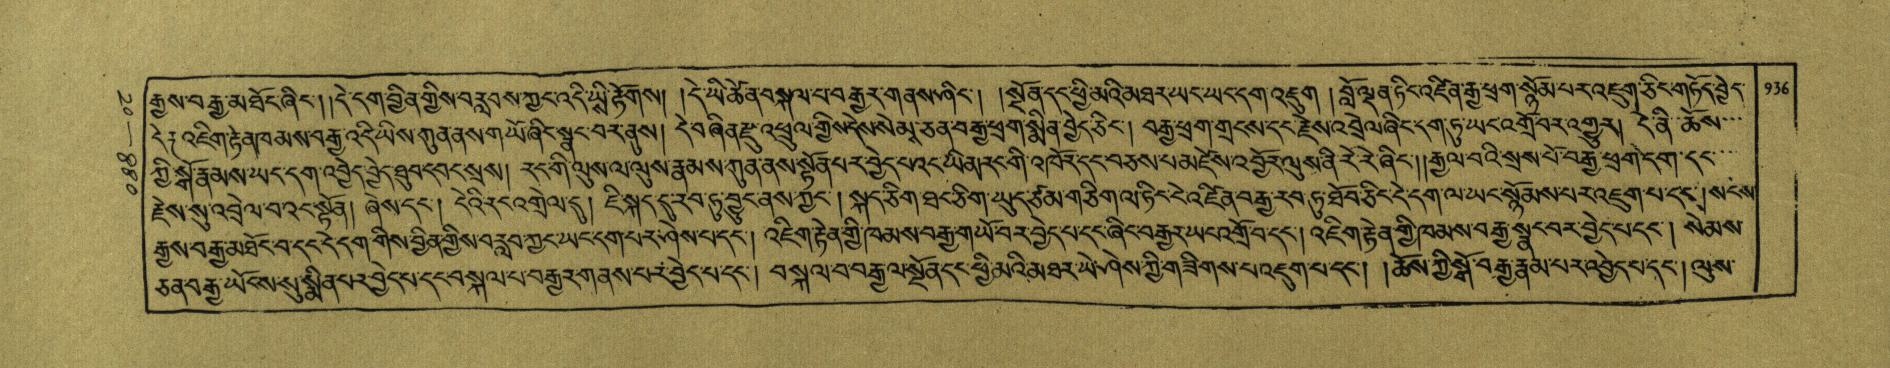རྒྱས་བརྒྱ་མཐོང་ཞིང་། །དེ་དག་བྱིན་གྱིས་བརླབས་ཀྱང་འདི་ཡིས་རྟོགས། །དེ་ཡི་ཚེ་ན་བསྐལ་པ་བརྒྱར་གནས་ཤིང་། །སྔོན་དང་ཕྱི་མའི་མཐར་ཡང་ཡང་དག་འཇུག །བློ་ལྡན་ཏིང་འཛིན་རྒྱ་ཕྲག་སྙོམ་པར་འཇུག་ཅིང་གཏོད་བྱེད་
དེ༑ འཇིག་རྟེན་ཁམས་བརྒྱ་འདི་ཡིས་ཀུན་ནས་གཡོ་ཞིང་སྣང་བར་ནུས། དེ་བཞིན་རྫུ་འཕྲུལ་གྱིས་དེས་སེམས་ཅན་བརྒྱ་ཕྲག་སྨིན་བྱེད་ཅིང་། བརྒྱ་ཕྲག་གྲངས་དང་རྗེས་འབྲེལ་ཞིང་དག་ཏུ་ཡང་འགྲོ་བར་འགྱུར། དེ་ནི་ཆོས་
ཀྱི་སྒོ་རྣམས་ཡང་དག་འབྱེད་བྱེད་ཐུབ་དབང་སྲས། རང་གི་ལུས་ལ་ལུས་རྣམས་ཀུན་ནས་སྟོན་པར་བྱེད་པའང་ཡིན། རང་གི་འཁོར་དང་བཅས་པ་མཛེས་འབྱོར་ལུས་ནི་རེ་རེ་ཞིང་། །རྒྱལ་བའི་སྲས་པོ་བརྒྱ་ཕྲག་དག་དང་
རྗེས་སུ་འབྲེལ་བའང་སྟོན། ཞེས་དང་། དེའི་རང་འགྲེལ་དུ། ཇི་སྐད་དུ་རབ་ཏུ་བྱུང་ནས་ཀྱང་། སྐད་ཅིག་ཐང་ཅིག་ཡུད་ཙམ་གཅིག་ལ་ཏིང་ངེ་འཛིན་བརྒྱ་རབ་ཏུ་ཐོབ་ཅིང་དེ་དག་ལ་ཡང་སྙོམས་པར་འཇུག་པ་དང་། སངས་
རྒྱས་བརྒྱ་མཐོང་བ་དང་དེ་དག་གིས་བྱིན་གྱིས་བརླབ་ཀྱང་ཡང་དག་པར་ཤེས་པ་དང་། འཇིག་རྟེན་གྱི་ཁམས་བརྒྱ་གཡོ་བར་བྱེད་པ་དང་ཞིང་བརྒྱར་ཡང་འགྲོ་བ་དང་། འཇིག་རྟེན་གྱི་ཁམས་བརྒྱ་སྣང་བར་བྱེད་པ་དང་། སེམས་
ཅན་བརྒྱ་ཡོངས་སུ་སྨིན་པར་བྱེད་པ་དང་བསྐལ་པ་བརྒྱར་གནས་པར་བྱེད་པ་དང་། བསྐལ་བ་བརྒྱ་ལ་སྔོན་དང་ཕྱི་མའི་མཐར་ཡེ་ཤེས་ཀྱི་གཟིགས་པ་འཇུག་པ་དང་། །ཆོས་ཀྱི་སྒོ་བརྒྱ་རྣམ་པར་འབྱེད་པ་དང་། ལུས་